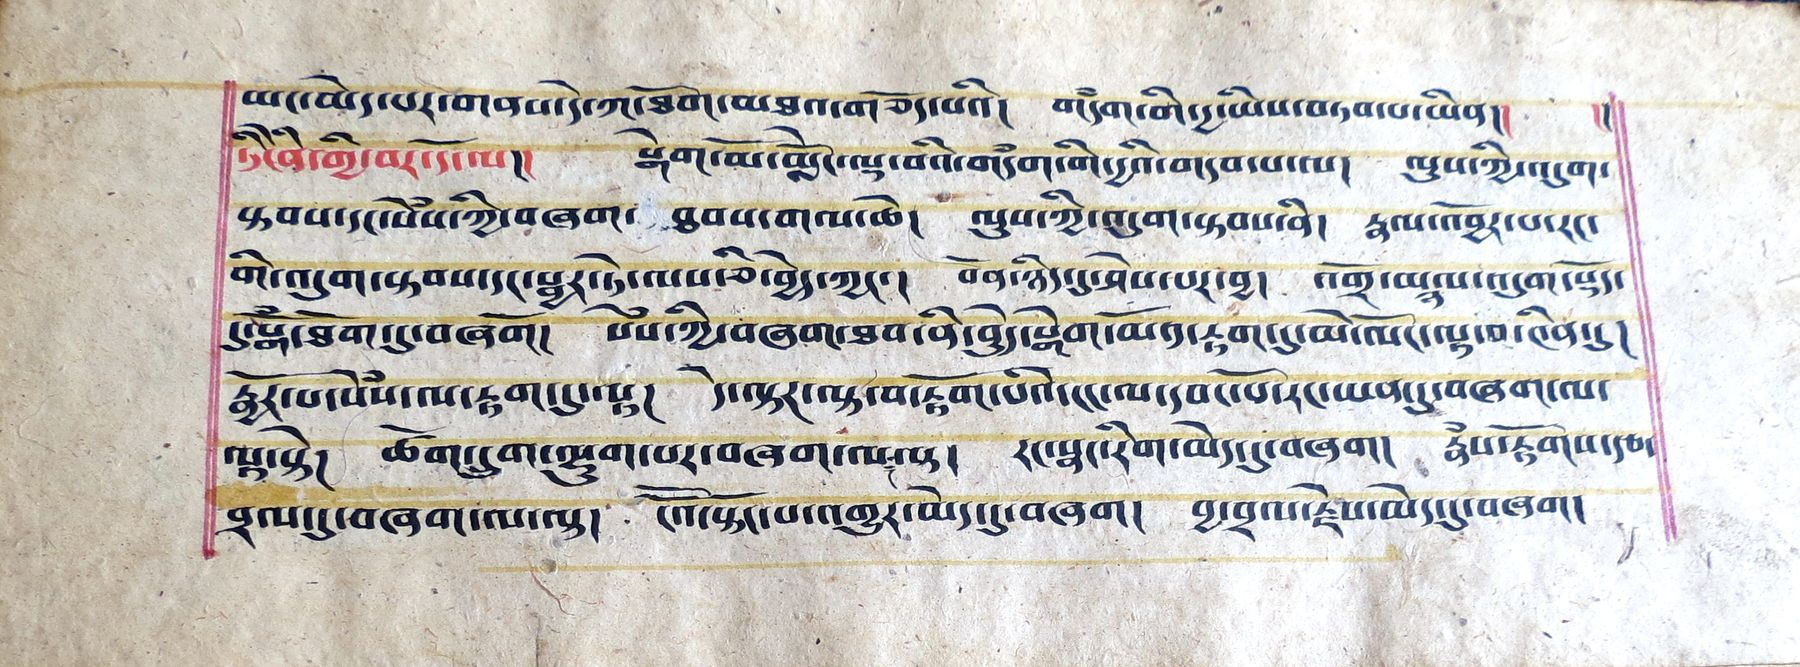ཡང་མེད་པར་གནས་པ་དེ་ཀ་ཐོག་མཐའ་གཅོད་པའི། གདམས་ངག་གིས་རྒྱ་ཡིས་བཏབ་པ་ཡིན། 
ཏིང་ངེ་འཛིན་གྱི་བར་དོ་ལ། སྒེག་མོ་མེ་ལོང་ལྟ་བའི་གདམས་ངག་གིས་རྒྱ་ཡིས་གདབ་པ་ལ། ལུས་ཀྱི་འདུག་
སྟབས་དང་སེམས་ཀྱི་བཞག། ཐབས་གལ་ཆེ། ལུས་ཀྱི་འདུག་སྟབས་ནི། རྣལ་འབྱོར་བ་རང་
གི་འདུག་སྟབས་དང་སྦྱར་ཏེ་ལས་ཅི་བྱེད་ཀྱང་། བོན་ཉིད་དུ་ཤེས་པར་བྱ། འགྲོ་ཉལ་འདུག་སྡོད་
དུ་སྒོམ་ཐོག་ཏུ་བཞག་གོ །སེམས་ཀྱི་བཞག་ཐབས་ནི་བུད་མེད་སྒེག་མོས་རྟག་ཏུ་མེ་ལོང་བལྟ་བ་བཞིན་དུ་
རྣལ་འབྱོར་པ་སེམས་ལ་རྟག་ཏུ་བལྟ། དེ་ལྟར་ལྟ་རྟོགས་པའི་ངང་ལ་དབང་པོ་རང་ཡན་དུ་བཞག་ལ་
ལྟ་སྟེ། ཚོགས་དྲུག་ལྷུག་པར་བཞག་ལ་བལྟ། རང་སྣང་རིག་མེད་དུ་བཞག རྣམ་རྟོག་རྩ་
བྲལ་དུ་བཞག་ལ་བལྟ། ངོ་བོ་སྟོང་པ་འགྱུར་མེད་དུ་བཞག བྱ་བྲལ་རྗེས་མེད་དུ་བཞག